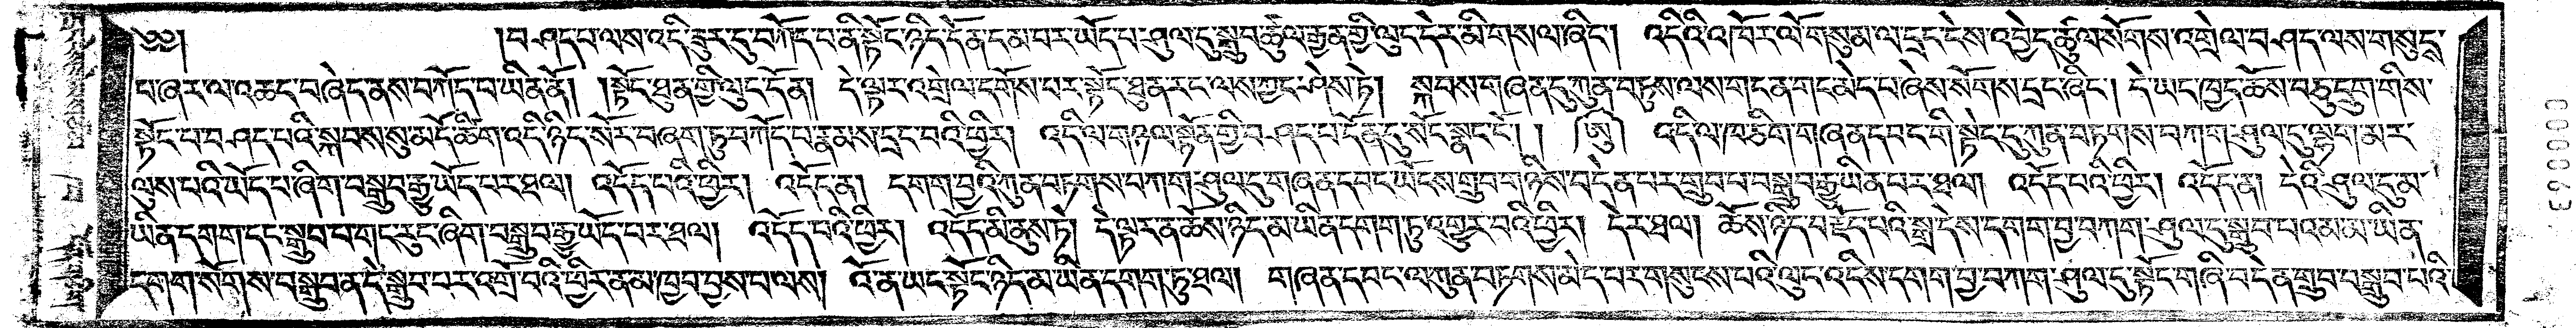༄༅། །བཤད་པ་ལས་འདི་ཟུར་དུ་བཀོད་པ་ནི་སྟོང་ཉིད་དོན་དམ་པར་ཡོད་པ་ཤུལ་དུ་སྒྲུབ་ཚུལ་རྒྱན་གྱི་ལུང་དེར་མི་གསལ་ཞིང་། འདིའི་འཁོར་ལོ་གསུམ་ལ་དྲང་ངེས་འབྱེད་ཚུལ་སོགས་འགྲེལ་བཤད་ལས་གསུངས་
པ་ཞར་ལ་འཆད་བཞེད་ནས་བཀོད་པ་ཡིན་ནོ། །སྟོང་ཐུན་གྱི་ལུང་དོན། དེ་ལྟར་འགྲེལ་དགོས་པར་སྟོང་ཐུན་རང་ལས་ཀྱང་ཤེས་ཏེ། སྐབས་གཞན་དུ་ཀུན་བཏུས་ལས་གང་ན་གང་མེད་པ་ཞེས་སོགས་དྲང་ཞིང་། དེ་ཡང་ཁྱད་ཆོས་བཅུ་དྲུག་གིས་
སྟོང་པ་བཤད་པའི་སྐབས་སུ་མདོ་ཚིག་འདི་ཉིད་སོར་བཞག་ཏུ་བཀོད་པ་རྣམས་དྲང་བའི་ཕྱིར། འདི་ལ་གཉལ་སྟོན་གྱི་བཤད་པ་དོན་དུ་སོང་སྣང་ངོ། །༼ཨུ༽ འདི་ལ་ཁ་ཅིག་གཞན་དབང་གི་སྟེང་དུ་ཀུན་བཏགས་བཀག་ཤུལ་དུ་ལྷག་མར་
ལུས་པའི་ཡོད་པ་ཞིག་བསྒྲུབ་རྒྱུ་ཡོད་པར་ཐལ། འདོད་པའི་ཕྱིར། འདོད་ན། དགག་བྱའི་ཀུན་བཏགས་བཀག་ཤུལ་དུ་གཞན་དབང་ཡོངས་གྲུབ་གཉིས་བདེན་པར་གྲུབ་པ་བསྒྲུབ་རྒྱུ་ཡིན་པར་ཐལ། འདོད་པའི་ཕྱིར། འདོད་ན། དེའི་ཤུལ་དུ་མ་
ཡིན་དགག་དང་སྒྲུབ་པ་གང་རུང་ཞིག་བསྒྲུབ་རྒྱུ་ཡོད་པར་ཐལ། འདོད་པའི་ཕྱིར། འདོད་མི་ནུས་ཏེ། དེ་ལྟར་ན་ཆོས་ཉིད་མ་ཡིན་དགག་ཏུ་འགྱུར་བའི་ཕྱིར། དེར་ཐལ། ཆོས་ཉིད་བརྗོད་པའི་སྒྲ་དེས་དགག་བྱ་བཀག་ཤུལ་དུ་སྒྲུབ་པའམ་མ་ཡིན་
དགག་སོགས་བསྒྲུབ་ན་དེ་སྒྲུབ་པར་འགྲོ་བའི་ཕྱིར་ན་མ་ཁྱབ་བྱས་པ་ལས། འོ་ན་ཡང་སྟོང་ཉིད་མ་ཡིན་དགག་ཏུ་ཐལ། གཞན་དབང་ལ་ཀུན་བཏགས་མེད་པར་གསུངས་པའི་ལུང་འདིས་དགག་བྱ་བཀག་ཤུལ་དུ་སྟོང་གཞི་བདེན་གྲུབ་བསྒྲུབ་པའི་